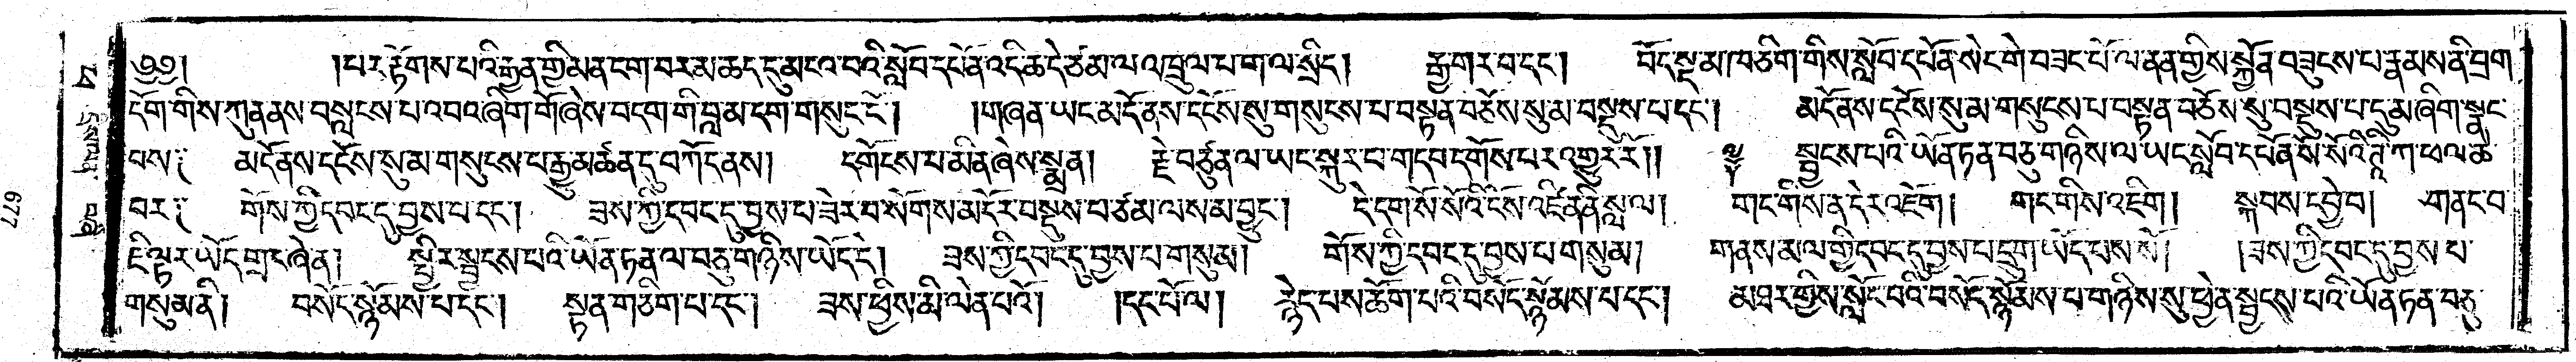༄༅། །པར་རྟོགས་པའི་རྒྱན་གྱི་མན་ངག་བར་མ་ཆད་དུ་མངའ་བའི་སློབ་དཔོན་འདི་ཆ་དེ་ཙམ་ལ་འཁྲུལ་པ་གལ་སྲིད། རྒྱ་གར་བ་དང་། བོད་སྔ་མ་ཁ་ཅིག་གིས་སློབ་དཔོན་སེང་གེ་བཟང་པོ་ལ་ནན་གྱིས་སྐྱོན་བཟུངས་པ་རྣམས་ནི་བྲག་
དོག་གིས་ཀུན་ནས་བསླངས་པ་འབའ་ཞིག་གོ་ཞེས་བདག་གི་བླ་མ་དག་གསུང་ངོ། །གཞན་ཡང་མདོ་ནས་དངོས་སུ་གསུངས་པ་བསྟན་བཅོས་སུ་མ་བསྡུས་པ་དང་། མདོ་ནས་དངོས་སུམ་གསུངས་པ་བསྟན་བཅོས་སུ་བསྡུས་པ་དུ་མ་ཞིག་སྣང་
བས༑ མདོ་ནས་དངོས་སུ་མ་གསུངས་པ་རྒྱུ་མཚན་དུ་བཀོད་ནས། དགོངས་པ་མིན་ཞེས་སྨྲན། རྗེ་བཙུན་ལ་ཡང་སྐུར་པ་གདབ་དགོས་པར་འགྱུར་རོ།། ༈ སྦྱངས་པའི་ཡོན་ཏན་བཅུ་གཉིས་ལ་ཡང་སློབ་དཔོན་སོ་སོའི་ཊཱིཀ་ཕལ་ཆེ་
བར༑ གོས་ཀྱི་དབང་དུ་བྱས་པ་དང་། ཟས་ཀྱི་དབང་དུ་བྱས་པ་ཟེར་བ་སོགས་མདོར་བསྡུས་པ་ཙམ་ལས་མ་བྱུང་། དེ་དག་སོ་སོའི་ངོས་འཛིན་ནི་སླ་ལ། གང་གིས་ན་དེར་འཇོག། གང་གིས་འཇིག། སྐབས་དབྱེ་བ། གནང་བ་
ཇི་ལྟར་ཡོད་གྲང་ཞེ་ན། སྤྱིར་སྦྱངས་པའི་ཡོན་ཏན་ལ་བཅུ་གཉིས་ཡོད་དེ། ཟས་ཀྱི་དབང་དུ་བྱས་པ་གསུམ། གོས་ཀྱི་དབང་དུ་བྱས་པ་གསུམ། གནས་མལ་གྱི་དབང་དུ་བྱས་པ་དྲུག་ཡོད་པས་སོ། །ཟས་ཀྱི་དབང་དུ་བྱས་པ་
གསུམ་ནི། བསོད་སྙོམས་པ་དང་། སྟན་གཅིག་པ་དང་། ཟས་ཕྱིས་མི་ལེན་པའོ། །དང་པོ་ལ། རྙེད་པས་ཆོག་པའི་བསོད་སྙོམས་པ་དང་། མཐར་གྱིས་སློང་བའི་བསོད་སྙོམས་པ་གཉིས་སུ་ཕྱེ་ན་སྦྱངས་པའི་ཡོན་ཏན་བཅུ་